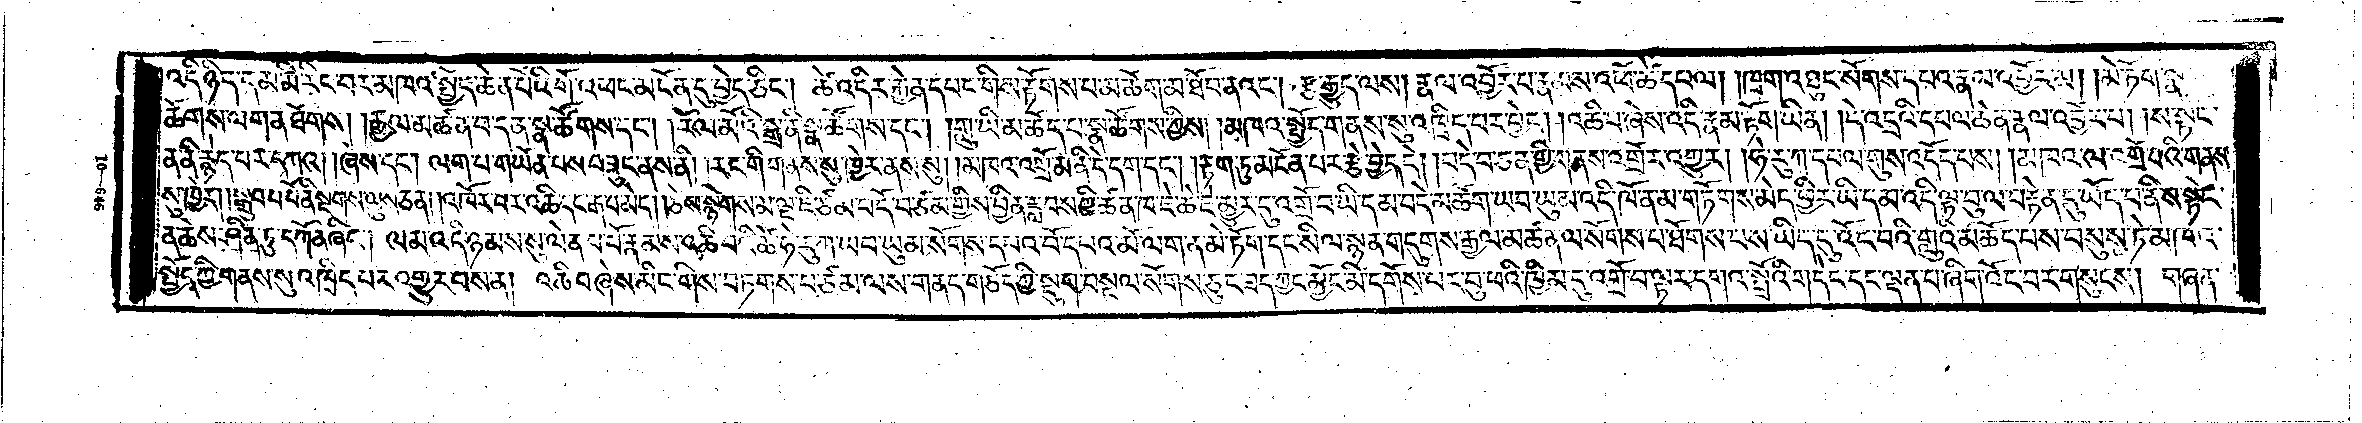འདི་ཉིད་དམ་མི་རིང་བར་མཁའ་སྤྱོད་ཆེན་པོའི་གོ་འཕང་མངོན་དུ་བྱེད་ཅིང་། ཚེ་འདིར་རྐྱེན་དབང་གིས་རྟོགས་པ་མཆོག་མ་ཐོབ་ནའང་། རྩ་རྒྱུད་ལས། རྣལ་འབྱོར་བ་རྣམས་འཕོ་ཚེ་དཔལ། །ཁྲག་འཐུང་སོགས་དཔའ་རྣལ་འབྱོར་མ། །མེ་ཏོག་སྣ་
ཚོགས་ལག་ན་ཐོགས། །རྒྱལ་མཚན་བདན་སྣ་ཚོགས་དང་། །རོལ་མོའི་སྒྲ་ནི་སྣ་ཚོགས་དང་། །གླུ་ཡི་མཆོད་པ་སྣ་ཚོགས་ཀྱིས། །མཁའ་སྤྱོད་གནས་སུ་འཁྲིད་པར་བྱེད། །འཆི་བ་ཞེས་འདི་རྣམ་རྟོག་ཡིན། །དེ་འདྲའི་དཔལ་ཆེན་རྣལ་འབྱོར་བ། །ས་སྟེང་
ན་ནི་རྙེད་པར་དཀའ། །ཞེས་དང་། ལག་པ་གཡོན་པས་བཟུང་ནས་ནི། །རང་གི་གནས་སུ་ཁྱེར་ནས་སུ། །ཁའ་འགྲོ་མ་ནི་དེ་དག་དང་། །རྟག་ཏུ་མངོན་པར་རྩེ་བྱེད་དེ། །བདེ་བ་ཅན་གྱི་གནས་འགྲོར་འགྱུར། །ཧེ་རུ་ཀ་དཔལ་གུས་འདོད་པས། །མཁའ་ལ་འགྲོ་བའི་གནས་
སུ་ཁྱེར། །སྒྲུབ་པ་པོ་ནི་སྔགས་ལུས་ཅན། །འཁོར་བར་འཆི་དང་རྒ་བ་མེད། །ཅེས་སྙིགས་མ་ལྔ་ཇི་ཙམ་བདོ་བ་ཙམ་གྱིས་བྱིན་རླབས་ཀྱི་ཚ་ན་ཁ་ཇེ་ཆེ་ཇེ་མྱུར་དུ་འགྲོ་བ་ཡི་དམ་བདེ་མཆོག་ཡབ་ཡུམ་འདི་ཁོ་ན་མ་གཏོགས་མེད་ཕྱིར་ཡི་དམ་འདི་ལྟ་བུ་ལ་བརྟེན་དུ་ཡོད་པ་ནི་ས་སྟེང་
ན་ཆེས་ཤིན་ཏུ་དཀོན་ཞིང་། ལམ་འདི་ཉམས་སུ་ལེན་པ་པོ་རྣམས་འཆི་བའི་ཚེ་ཧེ་རུ་ཀ་ཡབ་ཡུམ་སོགས་དཔའ་བོད་པའ་མོ་ལག་ན་མེ་ཏོག་དང་སིལ་སྙན་གདུགས་རྒྱལ་མཚན་ལ་སོགས་པ་ཐོགས་པས་ཡིད་དུ་འོང་བའི་གླུའི་མཆོད་པས་བསུས་ཏེ་མཁའ་
སྤྱོད་ཀྱི་གནས་སུ་འཁྲིད་པར་འགྱུར་བས་ན། འཆི་བ་ཞེས་མིང་གིས་བཏགས་པ་ཙམ་ལས་གནད་གཅོད་ཀྱི་སྡུག་བསྔལ་སོགས་ཅུང་ཟད་ཀྱང་མྱོང་མི་དགོས་པར་བུ་ཕའི་ཁྱིམ་དུ་འགྲོ་བ་ལྟར་དགའ་སྤྲོའི་གདེང་དང་ལྡན་པ་ཞིག་འོང་བར་གསུངས། གཞན་